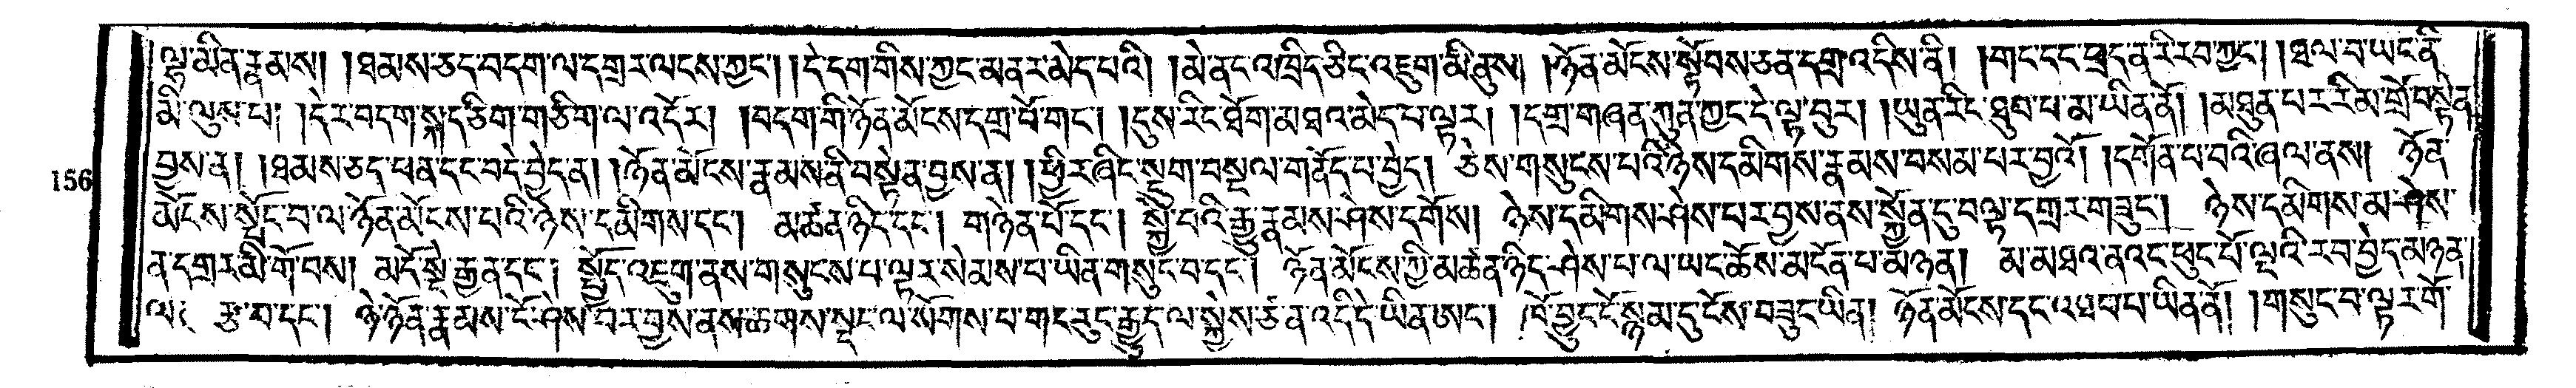ལྷ་མིན་རྣམས། །ཐམས་ཅད་བདག་ལ་དགྲར་ལངས་ཀྱང་། །དེ་དག་གིས་ཀྱང་མནར་མེད་པའི། །མེ་ནང་འཁྲིད་ཅིང་འཇུག་མི་ནུས། །ཉོན་མོངས་སྟོབས་ཅན་དགྲ་འདིས་ནི། །གང་དང་ཕྲད་ན་རི་རབ་ཀྱང་། །ཐལ་བ་ཡང་ནི་
མི་ལུས་པ། །དེར་བདག་སྐད་ཅིག་གཅིག་ལ་འདོར། །བདག་གི་ཉོན་མོངས་དགྲ་པོ་གང་། །དུས་རིང་ཐོག་མཐའ་མེད་པ་ལྟར། །དགྲ་གཞན་ཀུན་ཀྱང་དེ་ལྟ་བུར། །ཡུན་རིང་ཐུབ་པ་མ་ཡིན་ནོ། །མཐུན་པར་རིམ་གྲོ་བསྟེན་
བྱས་ན། །ཐམས་ཅད་ཕན་དང་བདེ་བྱེད་ན། །ཉོན་མོངས་རྣམས་ནི་བསྟེན་བྱས་ན། །ཕྱིར་ཞིང་སྡུག་བསྔལ་གནོད་པ་བྱེད། ཅེས་གསུངས་པའི་ཉེས་དམིགས་རྣམས་བསམ་པར་བྱའོ། །དགོན་པ་བའི་ཞལ་ནས། ཉོན་
མོངས་སྤོང་བ་ལ་ཉོན་མོངས་པའི་ཉེས་དམིགས་དང་། མཚན་ཉིད་དང་། གཉེན་པོ་དང་། སྐྱེ་བའི་རྒྱུ་རྣམས་ཤེས་དགོས། ཉེས་དམིགས་ཤེས་པར་བྱས་ནས་སྐྱོན་དུ་བལྟ་དགྲར་གཟུང་། ཉེས་དམིགས་མ་ཤེས་
ན་དགྲར་མི་གོ་བས། མདོ་སྔེ་རྒྱན་དང་། སྤྱོད་འཇུག་ནས་གསུངས་པ་ལྟར་སེམས་པ་ཡིན་གསུང་བ་དང་། ཉོན་མོངས་ཀྱི་མཚན་ཉིད་ཤེས་པ་ལ་ཡང་ཆོས་མངོན་པ་མཉན། མ་མཐའ་ནའང་ཕུང་པོ་ལྔའི་རབ་བྱེད་མཉན་
ལ༑ རྩ་བ་དང་། ཉེ་ཉོན་རྣམས་ངོ་ཤེས་བར་བྱས་ནས་ཆགས་སྡང་ལ་སོགས་པ་གང་རུང་རྒྱུད་ལ་སྐྱེས་ཙ་ན་འདི་དེ་ཡིན་ཨང་། ཁོ་བྱུང་ངོ་སྙམ་དུ་ངོས་བཟུང་ཡིན་། ཉོན་མོངས་དང་འཐབ་པ་ཡིན་ནོ། །གསུང་བ་ལྟར་གོ་